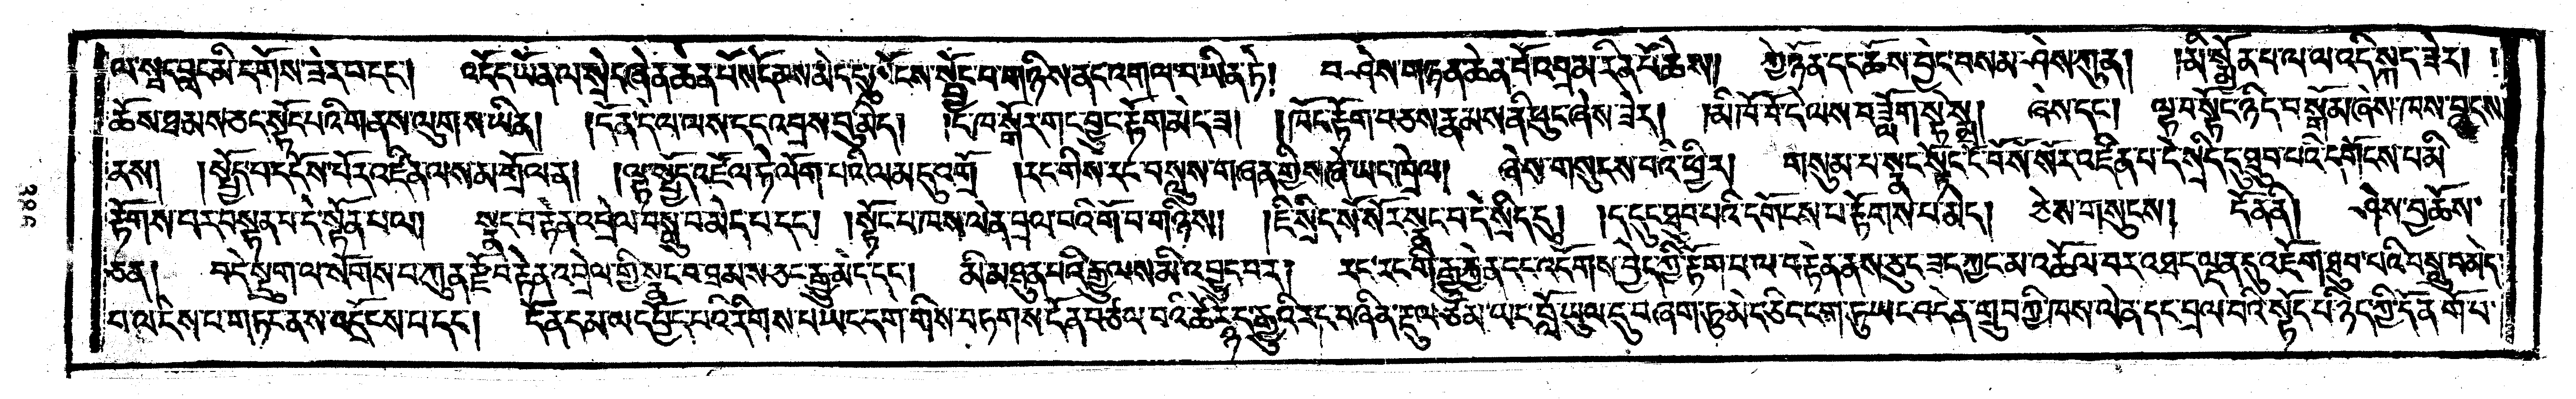ལ་སྤང་བླང་མི་དགོས་ཟེར་བ་དང་། འདོད་ཡོན་ལ་སྲེང་ཞེན་ཆེན་པོ་སྡོམས་མེད་དུ་ལོངས་སྤྱོད་པ་གཉིས་ནང་འགལ་བ་ཡིན་ཏེ། བཤེས་གཉན་ཆེན་པོ་འབྲམ་རིན་པོ་ཆེས། ཀྱེ་ཉོན་དང་ཆོས་བྱེད་བསམ་ཤེས་ཀུན། །མི་སྨྱོན་པ་ལ་ལ་འདི་སྐད་ཟེར།།
ཆོས་ཐམས་ཅད་སྟོང་པའི་གནས་ལུགས་ཡིན། །དོན་དེ་ལ་ལས་དང་འབྲས་བུ་མེད། །ང་ཁ་སྒོར་གང་བྱུང་རྟོག་མེད་ཟ། །ཁོང་རྟོག་བཅས་རྣམས་ནི་ཕུང་ཞེས་ཟེར། །མི་ཁོ་བོ་དེ་ལས་བཟློག་སྟེ་སྨྲ། ཞེས་དང་། ལྟ་བ་སྟོང་ཉིད་བསྒོམ་ཞེས་ཁས་བླངས་
ནས། སྤྱོད་པ་དངོས་པོར་འཛིན་ལས་མགྲོལ་ན། །ལྟ་སྤྱོད་འཛོལ་ཏེ་ལོག་པའི་ལམ་དུ་འགྲོ་།རང་གིས་རང་བསླུས་གཞན་གྱིས་ཞེ་ཡང་ཁྲེལ། ཞེས་གསུངས་པའི་ཕྱིར། གསུམ་པ་སྣང་སྟོང་ངོ་བོ་སོ་སོར་འཛིན་པ་དེ་སྲིད་དུ་ཐུབ་པའི་དགོངས་པ་མི་
རྟོགས་པར་བསྟན་པ་དེ་སྟོན་པ་ལ། སྣང་བ་རྟེན་འབྲེལ་བ་སླུ་བ་མེད་པ་དང་། །སྟོང་པ་ཁས་ལེན་བྲལ་བའི་གོ་བ་གཉིས། །ཇི་སྲིད་སོ་སོར་སྣང་བ་དེ་སྲིད་དུ། །ད་དུང་ཐུབ་པའི་དགོངས་པ་རྟོགས་པ་མེད། ཅེས་གསུངས། དོན་ནི། ཤེས་བྱ་ཆོས་
ཅན། བདེ་སྡུག་ལ་སོགས་པ་ཀུན་རྫོབ་རྟེན་འབྲེལ་གྱི་སྣང་བ་ཐམས་ཅད་རྒྱུ་མེད་དང་། མི་མཐུན་པའི་རྒྱུ་ལས་མི་འབྱུང་བར། རང་རང་གི་རྒྱུ་རྐྱེན་དང་འདོགས་བྱེད་ཀྱི་རྟོག་པ་ལ་བརྟེན་ནས་ཅུང་ཟད་ཀྱང་མ་འཆོལ་བར་འཐད་ལྡན་དུ་འཇོག་ཐུབ་པའི་བསླུ་བ་མེད་
པ་ལ་ངེས་པ་གཏང་ནས་འདྲོངས་པ་དང་། དོན་དམ་ལ་དཔྱོད་པའི་རིགས་པ་ཡང་དག་གིས་བཏགས་དོན་བཙལ་བའི་ཚེ་རྙེད་རྒྱུའི་རང་བཞིན་རྡུལ་ཙམ་ཡང་བློ་ཡུལ་དུ་བཞག་ཏུ་མེད་ཅིང་ངག་ཏུ་ཡང་བདེན་གྲུབ་ཀྱི་ཁས་ལེན་དང་བྲལ་བའི་སྟོང་པ་ཉིད་ཀྱི་དོན་གོ་བ་